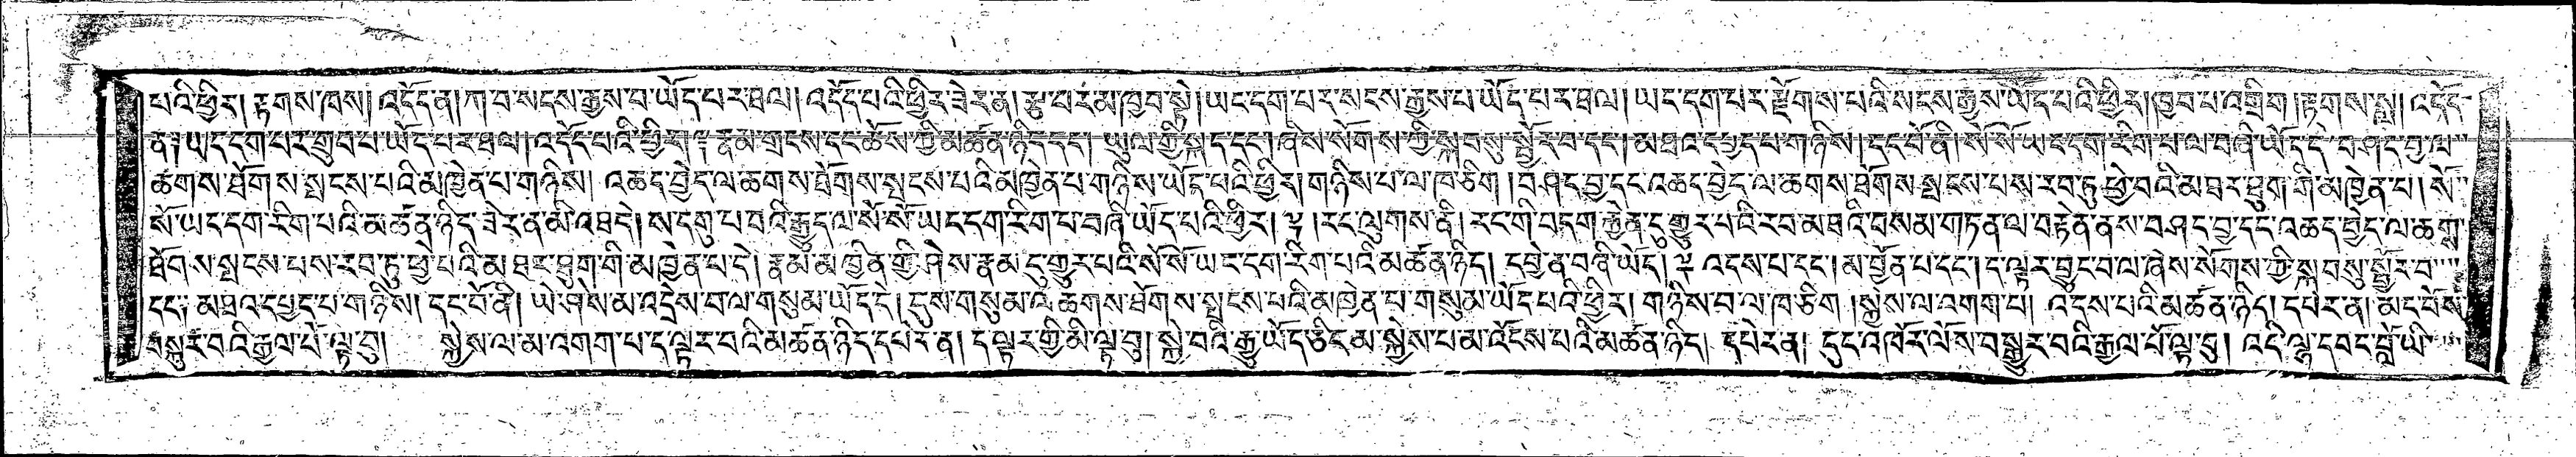པའི་ཕྱིར། རྟགས་ཁས། འདོད་ན། ཀ་བ་སངས་རྒྱས་པ་ཡོད་པར་ཐལ། འདོད་པའི་ཕྱིར་ཟེར་ན། རྩ་བར་མ་ཁྱབ་སྟེ། ཡང་དག་པར་སངས་རྒྱས་པ་ཡོད་པར་ཐལ། ཡང་དག་པར་རྫོགས་པའི་སངས་རྒྱས་ཡོད་པའི་ཕྱིར། ཁྱབ་པ་འགྲིག །རྟགས་སླ། འདོད་
ན༑ ཡང་དག་པར་གྲུབ་པ་ཡོད་པར་ཐལ། འདོད་པའི་ཕྱིར། ༈ རྣམ་གྲངས་དང་ཆོས་ཀྱི་མཚན་ཉིད་དང་། ཡུལ་གྱི་སྐད་དང་། ཞིས་སོགས་ཀྱི་སྐབས་སུ་སྦྱོར་བ་དང་། མཐའ་དཔྱད་པ་གཉིས། དང་པོ་ནི། སོ་སོ་ཡང་དག་རིག་པ་ལ་བཞི་ཡོད་དེ་བཤད་བྱ་ལ་
ཆགས་ཐོགས་སྤངས་པའི་མཁྱེན་པ་གཉིས། འཆད་བྱེད་ལ་ཆགས་ཐོགས་སྤངས་པའི་མཁྱེན་པ་གཉིས་ཡོད་པའི་ཕྱིར། གཉིས་པ་ལ་ཁ་ཅིག། བཤད་བྱ་དང་འཆད་བྱེད་ལ་ཆགས་ཐོགས་སྤངས་པས་རབ་ཏུ་ཕྱེ་བའི་མཐར་ཐུག་གི་མཁྱེན་པ། སོ་
སོ་ཡང་དག་རིག་པའི་མཚན་ཉིད་ཟེར་ན་མི་འཐད་དེ། ས་དགུ་པ་བའི་རྒྱུད་ལ་སོ་སོ་ཡང་དག་རིག་པ་བཞི་ཡོད་པའི་ཕྱིར། ༈ །རང་ལུགས་ནི། རང་གི་བདག་རྐྱེན་དུ་གྱུར་པའི་རབ་མཐའི་བསམ་གཏན་ལ་བརྟེན་ནས་བཤད་བྱ་དང་འཆད་བྱེད་ལ་ཆགས་
ཐོགས་སྤངས་པས་རབ་ཏུ་ཕྱེ་བའི་མཐར་ཐུག་གི་མཁྱེན་པ་དེ། རྣམ་མཁྱེན་གྱི་ཤེས་རྣམ་དུ་གྱུར་པའི་སོ་སོ་ཡང་དག་རིག་པའི་མཚན་ཉིད། དབྱེ་ན་བཞི་ཡོད། ༈ འདས་པ་དང་། མ་བྱོན་པ་དང་། ད་ལྟར་བྱུང་བ་ལ་ཞེས་སོགས་ཀྱི་སྐབས་སུ་སྦྱོར་བ་
དང༑ མཐའ་དཔྱའ་པ་གཉིས། དང་པོ་ནི། ཡེ་ཤེས་མ་འདྲེས་པ་ལ་གསུམ་ཡོད་དེ། དུས་གསུམ་ལ་ཆགས་ཐོགས་སྤངས་པའི་མཁྱེན་པ་གསུམ་ཡོད་པའི་ཕྱིར། གཉིས་པ་ལ་ཁ་ཅིག །སྐྱེས་ལ་འགག་པ། འདས་པའི་མཚན་ཉིད། དཔེར་ན། མང་པོས་
བསྐུར་བའི་རྒྱལ་པོ་ལྟ་བུ། སྐྱེས་ལ་མ་འགག་པ་ད་ལྟར་བའི་མཚན་ཉིད་དཔེར་ན། ད་ལྟར་གྱི་མི་ལྟ་བུ། སྐྱེ་བའི་རྒྱུ་ཡོད་ཅིང་མ་སྐྱེས་པ་མ་འོངས་པའི་མཚན་ཉིད། དཔེར་ན། དུང་འཁོར་ལོས་བསྒྱུར་བའི་རྒྱལ་པོ་ལྟ་བུ། འདི་ལྷ་དབང་བློ་ཡི་